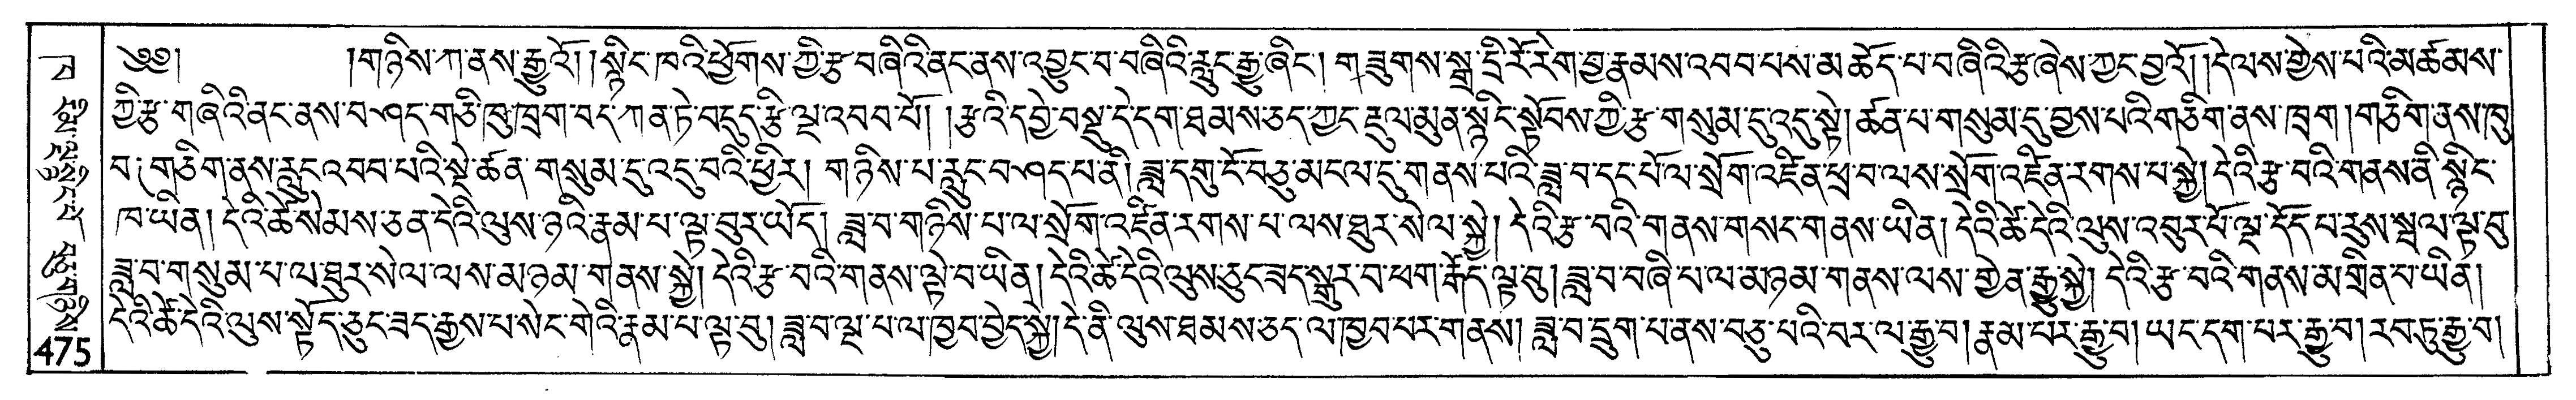༄༅། །གཉིས་ཀ་ནས་རྒྱུའོ། །སྙིང་ཁའི་ཕྱོགས་ཀྱི་རྩ་བཞིའི་ནང་ནས་འབྱུང་བ་བཞིའི་རླུང་རྒྱུ་ཞིང་། གཟུགས་སྒྲ་དྲི་རོ་རེག་བྱ་རྣམས་འབབ་པས་མཆོད་པ་བཞིའི་རྩ་ཞེས་ཀྱང་བྱའོ། །དེ་ལས་གྱེས་པའི་མཚམས་
ཀྱི་རྩ་གཞིའི་ནང་ནས་བཤད་གཅི་ཁུ་ཁྲག་བད་ཀན་ཏེ་བདུད་རྩི་ལྔ་འབབ་པོ། །རྩའི་དབྱེ་བསྡུ་དེ་དག་ཐམས་ཅད་ཀྱང་རྡུལ་མུན་སྙིང་སྟོབས་ཀྱི་རྩ་གསུམ་དུ་འདུ་སྟེ། ཚན་པ་གསུམ་དུ་བྱས་པའི་གཅིག་ནས་ཁྲག །གཅིག་ནས་ཁུ་
བ༑ གཅིག་ནས་རླུང་འབབ་པའི་སྡེ་ཚན་གསུམ་དུ་འདུ་བའི་ཕྱིར། གཉིས་པ་རླུང་བཤད་པ་ནི། ཟླ་དགུ་ངོ་བཅུ་མངལ་དུ་གནས་པའི་ཟླ་བ་དང་པོ་ལ་སྲོག་འཛིན་ཕྲ་བ་ལས་སྲོག་འཛིན་རགས་པ་སྐྱེ། དེའི་རྩ་བའི་གནས་ནི་སྙིང་
ཁ་ཡིན། དེའི་ཚེ་སེམས་ཅན་དེའི་ལུས་ཉའི་རྣམ་པ་ལྟ་བུར་ཡོད། ཟླ་བ་གཉིས་པ་ལ་སྲོག་འཛིན་རགས་པ་ལས་ཐུར་སེལ་སྐྱེ། དེའི་རྩ་བའི་གནས་གསང་གནས་ཡིན། དེའི་ཚེ་དེའི་ལུས་འབུར་པོ་ལྔ་དོད་པ་རུས་སྦལ་ལྟ་བུ་
ཟླ་བ་གསུམ་པ་ལ་ཐུར་སེལ་ལས་མཉམ་གནས་སྐྱེ། དེའི་རྩ་བའི་གནས་ལྟེ་བ་ཡིན། དེའི་ཚེ་དེའི་ལུས་ཅུང་ཟད་སྒུར་བ་ཕག་རྒོད་ལྟ་བུ། ཟླ་བ་བཞི་པ་ལ་མཉམ་གནས་ལས་གྱེན་རྒྱུ་སྐྱེ། དེའི་རྩ་བའི་གནས་མགྲིན་པ་ཡིན།
དེའི་ཚེ་དེའི་ལུས་སྟོད་ཅུང་ཟད་རྒྱས་པ་སེང་གེའི་རྣམ་པ་ལྟ་བུ། ཟླ་བ་ལྔ་པ་ལ་ཁྱབ་བྱེད་སྐྱེ། དེ་ནི་ལུས་ཐམས་ཅད་ལ་ཁྱབ་པར་གནས། ཟླ་བ་དྲུག་པ་ནས་བཅུ་པའི་བར་ལ་རྒྱུ་བ། རྣམ་པར་རྒྱུ་བ། ཡང་དག་པར་རྒྱུ་བ། རབ་ཏུ་རྒྱུ་བ།